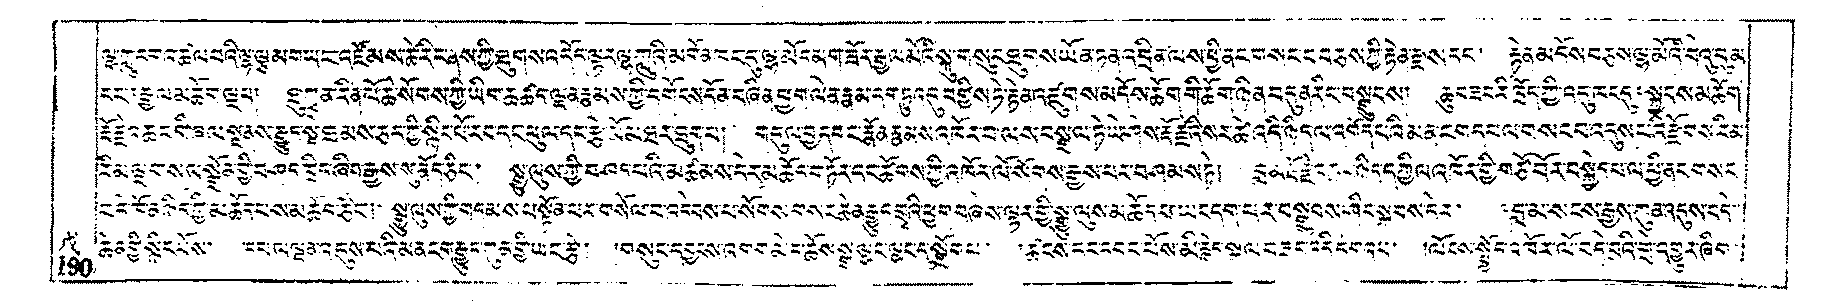ལྷ་ཀླུ་དགའ་ཚལ་བའི་ལྷ་ལྕམ་གཡང་འཛོམས་ཚེ་རིང་ནས་ཀྱི་ཐུགས་འདོད་ལྟར་ལྷ་ཀླུའི་མགོན་ཁང་དུ་ལྷ་མོ་དམག་ཟོར་རྒྱལ་མོའི་སྐུ་གསུང་ཐུགས་ཡོན་ཏན་འཕྲིན་ལས་ཕྱི་ནང་གསང་བ་བཅས་ཀྱི་རྟེན་རྫས་དང་། རྟེན་མདོས་བཅས་ལྷ་མོའི་བེའུ་བུམ་
དང་༧རྒྱལ་མཆོག་ལྔ་པ། ཐུ་ཀྭན་རིན་པོ་ཆེ་སོགས་ཀྱི་ཡིག་ཆ་ཚད་ལྡན་རྣམས་ཀྱི་དགོངས་དོན་བཞིན་ཕྱག་ལེན་རྣམ་དག་ཏུ་འདུ་བགྱིས་ཏེ་རྟེན་འཛུགས་མདོས་ཆོག་གི་ཆོ་ག་ཉིན་བདུན་རིང་བསྒྲུབས། ཆུ་བཟང་རི་ཁྲོད་ཀྱི་འདུ་ཁང་དུ་༧སྐྱབས་མཆོག་
རྡོ་རྗེ་འཆང་གི་ཞལ་སྔ་ནས་རྒྱུད་སྡེ་ཐམས་ཅད་ཀྱི་སྙིང་པོ་རབ་དང་ཕུལ་དང་རྩེ་མོ་མཐར་ཐུག་པ། གདུལ་བྱ་དབང་རྣོན་རྣམས་འཁོར་བ་ལས་བསྒྲལ་ཏེ་ཡེ་ཤེས་རྡོ་རྗེའི་སར་ཚེ་འདི་ཉིད་ལ་འགོད་པའི་མན་ངག་དཔལ་གསང་བ་འདུས་པའི་རྫོགས་རིམ་
རིམ་ལྔ་གསལ་སྒྲོན་གྱི་བཤད་ཁྲིད་ཞིབ་རྒྱས་སུ་ནོད་ཅིང་། སྒྱུ་ལུས་ཀྱི་བཤད་པའི་མཚམས་དེར་མཆོད་གཏོར་དང་ཚོགས་ཀྱི་འཁོར་ལོ་སོགས་རྒྱས་པར་བཤམས་ཏེ། བླ་མ་རྡོ་རྗེ་འཆང་ཉིད་དཀྱིལ་འཁོར་གྱི་གཙོ་བོར་བསྐྱེད་པ་ལ་ཕྱི་ནང་གསང་
བ་དེ་ཁོ་ན་ཉིད་ཀྱི་མཆོད་པས་མཆོད་ཅིང་། སྒྱུ་ལུས་ཀྱི་གདམས་པ་སྟོན་པར་གསོལ་བ་འདེབས་པ་སོགས་གསང་ཆེན་རྒྱུད་གྲྭའི་ཕྱག་བཞེས་ལྟར་གྱི་སྒྱུ་ལུས་མཆོད་པ་ཡང་དག་པར་བསྒྲུབས་ཤིང་སྐབས་དེར། བླ་མ་སངས་རྒྱས་ཀུན་འདུས་བདེ་
ཆེན་གྱི་སྙིང་པོས། །དཔལ་ལྡན་འདུས་པའི་མན་ངག་རྒྱུད་ཀུན་གྱི་ཡང་རྩེ། །གསུང་དབྱངས་འགག་མེད་ཆོས་སྒྲ་ལྷང་ལྷང་དུ་སྒྲོག་པ། །ཚངས་དང་དབང་པོས་མི་རྙེད་སྐལ་བཟང་འདི་དགའ་བ། །ལོངས་སྤྱོད་འཁོར་ལོ་བདེ་བའི་གྲེ་འགྱུར་ཞིག་